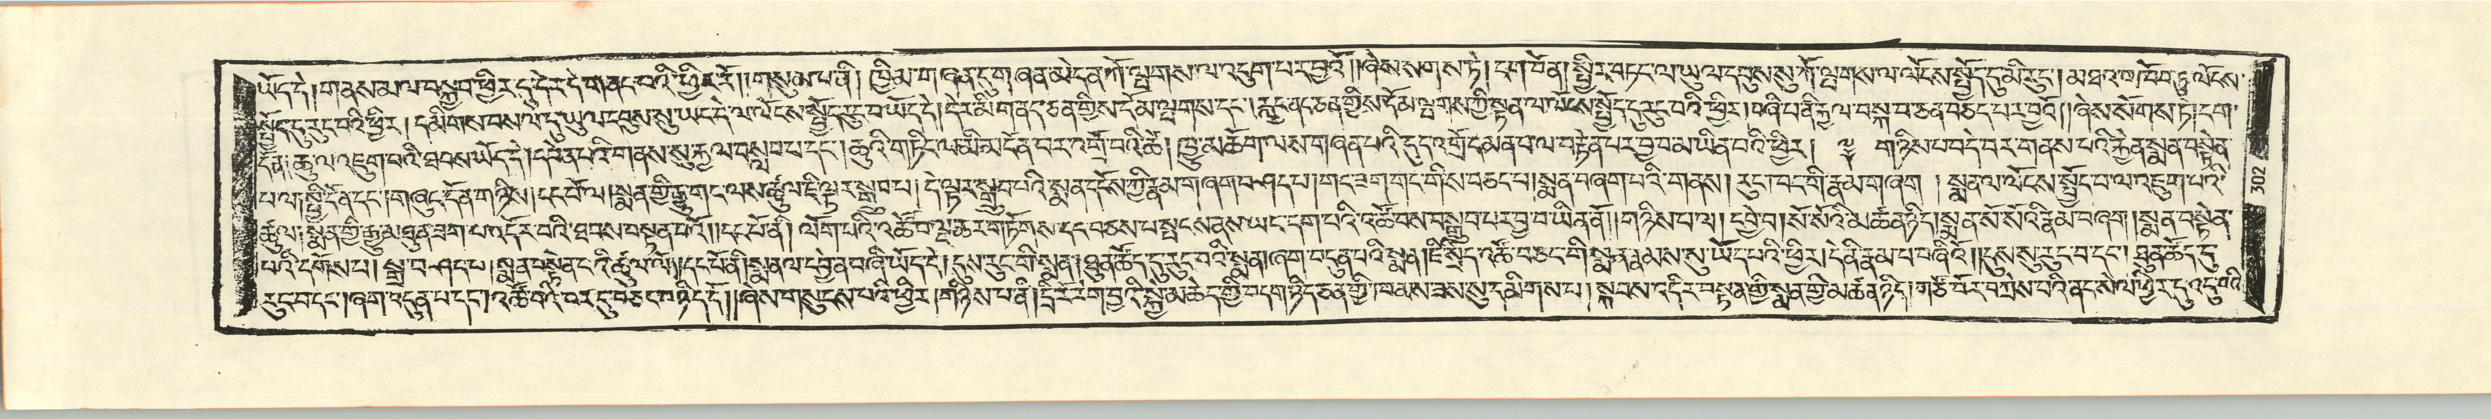ཡོད་དེ། གནས་མལ་བསྐྱབ་ཕྱིར་དུ་དེར་དེ་གནང་བའི་ཕྱིར་རོ། །གསུམ་པ་ནི། ཁྱིམ་གཞན་དུ་གཞན་མེད་ན་ཀོ་ལྤགས་ལ་འདུག་པར་བྱའོ། །ཞེས་སགས་ཏེ། ངག་བོན། སྤྱིར་བཏང་ལ་ཡུལ་དབུས་སུ་ཀོ་ལྤགས་ལ་ལོངས་སྤྱོད་དུ་མི་རུང་། མཐའ་འཁོབ་ཏུ་ལོངས་
སྤྱོད་དུ་རུང་བའི་ཕྱིར། དམིགས་བསལ་དུ་ཡུལ་དབུས་སུ་ཡང་དེ་ལ་ལོངས་སྤྱོད་རུང་བ་ཡོད་དེ། དེར་མིག་ནད་ཅན་གྱིས་དོམ་ལྤགས་དང་། རླུང་ནང་ཅན་གྱིས་དོམ་ལྤགས་ཀྱི་སྟན་ལ་ལོངས་སྤྱོད་དུ་རུང་བའི་ཕྱིར། བཞི་པ་ནི་རྐྱལ་བསྐ་བ་ཅན་བཅད་པར་བྱའོ། །ཞེས་སོགས་ཏེ། ངག་
དོན༑ ཆུ་ལ་འཇུག་པའི་ཐབས་ཡོད་དེ། དཔེན་པའི་གནས་སུ་རྐྱལ་བསླབ་པ་དང་། ཆུའི་གཏིང་ལ་མི་མངོན་པར་འགྲོ་བའི་ཚེ། ཁྱུ་མཆོག་ལས་གཞན་པའི་དུད་འགྲོ་དམན་པ་ལ་བརྟེན་པར་བྱ་བ་མ་ཡིན་པའི་ཕྱིར། ༈ གཉིས་པ་བདེ་བར་གནས་པའི་རྐྱེན་སྨན་བསྟེན་
པ་ལ། སྤྱི་དོན་དང་། གཞུང་དོན་གཉིས། དང་པོ་ལ། སྨན་གྱི་རྒྱུ་གང་ལས་ཚུལ་ཇི་ལྟར་སྒྲུབ་པ། དེ་ལྟར་སྒྲུབ་པའི་སྨན་དངོས་ཀྱི་རྣམ་གཞག་བཤད་པ། གང་ཟག་གང་གིས་བཅད་པ། སྨན་བཞག་པའི་གནས། རུང་ཁང་གི་རྣམ་གཞག །སྨན་ལ་ལོངས་སྤྱོད་པ་ལ་འཇུག་པའི་
ཚུལ༑ སྨན་གྱི་རྒྱུ་མཐུན་ཟག་པ་འདོར་བའི་ཐབས་བསྟན་པའོ། །དང་པོ་ནི། ལོག་པའི་འཚོ་བ་ལྔ་ཆར་གཏོགས་དང་བཅས་པ་སྤངས་ནས་ཡང་དག་པའི་འཚོ་བས་བསྒྲུབ་པར་བྱ་བ་ཡིན་ནོ། །གཉིས་པ་ལ། དབྱེ་བ། སོ་སོའི་མཚན་ཉིད། སྨན་སོ་སོའི་རྣམ་བཞག །སྨན་བསྟེན་
པའི་དགོས་པ། སྒྲ་བཤད་པ། སྨན་བསྟེན་པའི་ཚུལ་ལོ། །དང་པོ་ནི། སྨན་ལ་དབྱེ་ན་བཞི་ཡོད་དེ། དུས་རུང་གི་སྨན། ཐུན་ཚོད་དུ་རུང་བའི་སྨན། ཞག་བདུན་པའི་སྨན། ཇི་སྲིད་འཚོ་བཅང་གི་སྨན་རྣམས་སུ་ཡོད་པའི་ཕྱིར། དེ་ནི་རྣམ་པ་བཞིའོ། །དུས་སུ་རུང་བ་དང་། ཐུན་ཚོད་དུ་
རུང་བ་དང་། ཞག་བདུན་པ་དང་། འཚོ་བའི་བར་དུ་བཅད་བྙིད་དོ། །ཞེས་གསུངས་པའི་ཕྱིར། གཉིས་པ་ནི། དྲི་རོ་རེག་བྱའི་སྐྱེ་མཆེད་གྱི་བདག་ཉིད་ཅན་གྱི་ཁམས་ཟས་སུ་དམིགས་པ། སྐབས་འདིར་བསྟན་གྱི་སྨན་གྱི་མཚན་ཉིད། གཙོ་བོར་བཀྲེས་པའི་ནང་སེལ་ཕྱིར་དུ་འདུ་བའི་